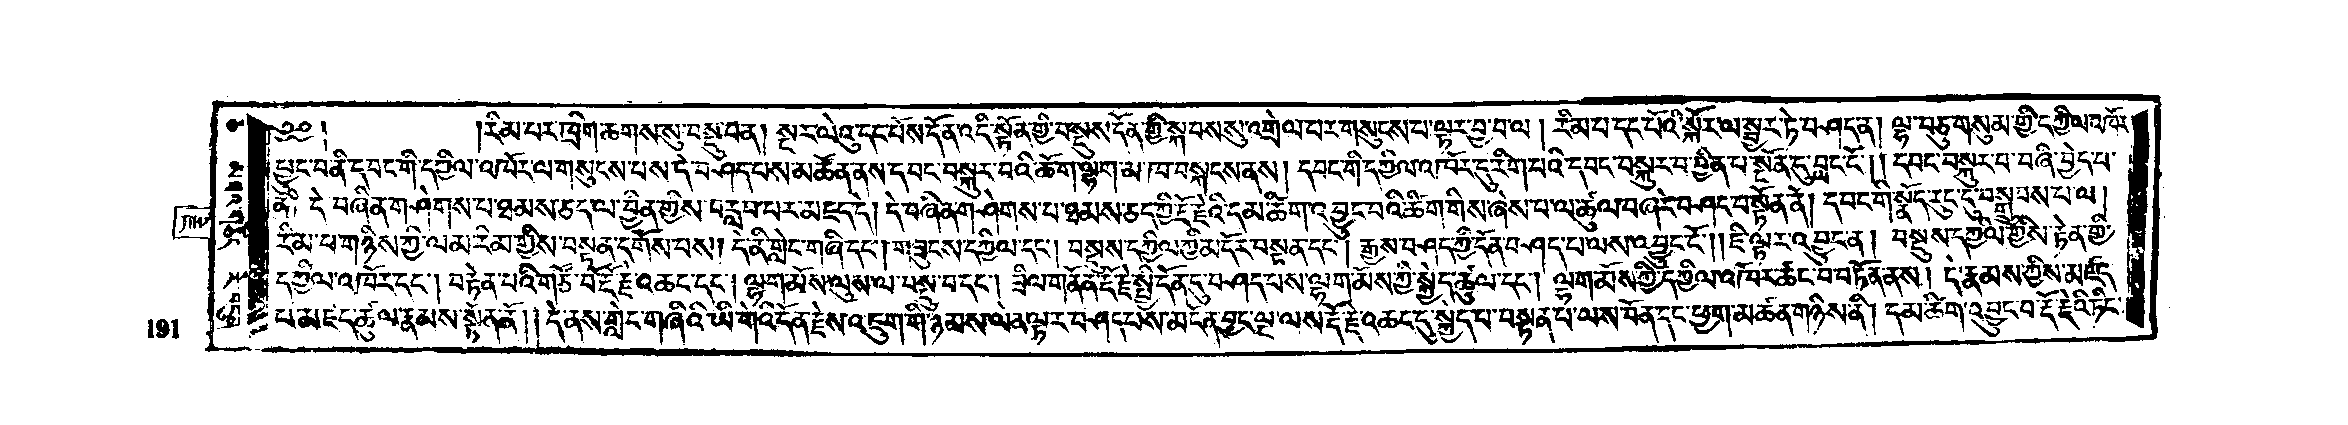༄༅། །རིམ་པར་ཁྲིག་ཆགས་སུ་བསྡུ་བ་ན། སྔར་ལེའུ་དང་པོས་དོན་འདི་སྟོན་གྱི་བསྡུས་དོན་གྱི་སྐབས་སུ་འགྲེལ་པར་གསུངས་པ་ལྟར་བྱ་བ་ལ། རིམ་པ་དང་པོའི་སྐོར་ལ་སྦྱར་ཏེ་བཤད་ན། ལྷ་བཅུ་གསུམ་གྱི་དཀྱིལ་འཁོར་
ཕྱུང་བ་ནི་དབང་གི་དཀྱིལ་འཁོར་ལ་གསུངས་པས་དེ་བཤད་པས་མཚོན་ནས་དབང་བསྐུར་བའི་ཆོ་ག་ལྷག་མ་ཁ་བསྐངས་ནས། དབང་གི་དཀྱིལ་འཁོར་དུ་རིག་པའི་དབང་བསྐུར་བ་བྱིན་པ་སྔོན་དུ་བླང་ངོ། །དབང་བསྐུར་བ་བཞི་བྱེད་པ་
ནི། དེ་བཞིན་གཤེགས་པ་ཐམས་ཅད་ལ་བྱིན་གྱིས་བརླབ་པར་མཛད་དེ། དེ་བཞིན་གཤེགས་པ་ཐམས་ཅད་ཀྱི་རྡོ་རྗེའི་དམ་ཚིག་འབྱུང་བའི་ཚིག་གིས་ཞེས་པ་ལ་ཚུལ་བཞིར་བཤད་པ་སྟོན་ནོ། དབང་གི་སྣོད་རུང་དུ་བསྒྲུབས་པ་ལ།
རིམ་པ་གཉིས་ཀྱི་ལམ་རིམ་གྱིས་བསྟན་དགོས་པས། དེ་ནི་གླིང་གཞི་དང་། གཟུངས་དཀྱིལ་དང་། བསྡུས་དཀྱིལ་ཀྱི་མདོར་བསྟན་དང་། རྒྱས་བཤད་ཀྱི་དོན་བཤད་པ་ལས་འབྱུང་ངོ། །ཇི་ལྟར་འབྱུང་ན། བསྡུས་དཀྱིལ་གྱིས་རྟེན་གྱི་
དཀྱིལ་འཁོར་དང་། བརྟེན་པའི་གཙོ་བོ་རྡོ་རྗེ་འཆང་དང་། ལྷག་མོས་ལུས་ལ་བསྡུ་བ་དང་། ཟིལ་གནོན་རྡོ་རྗེ་སྤྱི་དོན་དུ་བཤད་པས་ལྷག་མོས་ཀྱི་སྐྱེད་ཚུལ་དང་། ལྷག་མོས་ཀྱི་དཀྱིལ་འཁོར་ཚང་བ་བཏོན་ནས། དེ་རྣམས་ཀྱིས་མཛད་
པ་མཛད་ཚུལ་རྣམས་སྟོན་ནོ། །དེ་ནས་གླེང་གཞིའི་ཡི་གེའི་དོན་རྗེས་འཇུག་གི་ཉམས་ལེན་ལྟར་བཤད་པས་མངོན་བྱང་ལྔ་ལས་རྡོ་རྗེ་འཆང་དུ་སྐྱེད་པ་བསྟན་པ་ལ་ས་བོན་དང་ཕྱག་མཚན་གཉིས་ནི། དམ་ཚིག་འབྱུང་བ་རྡོ་རྗེའི་ཏིང་